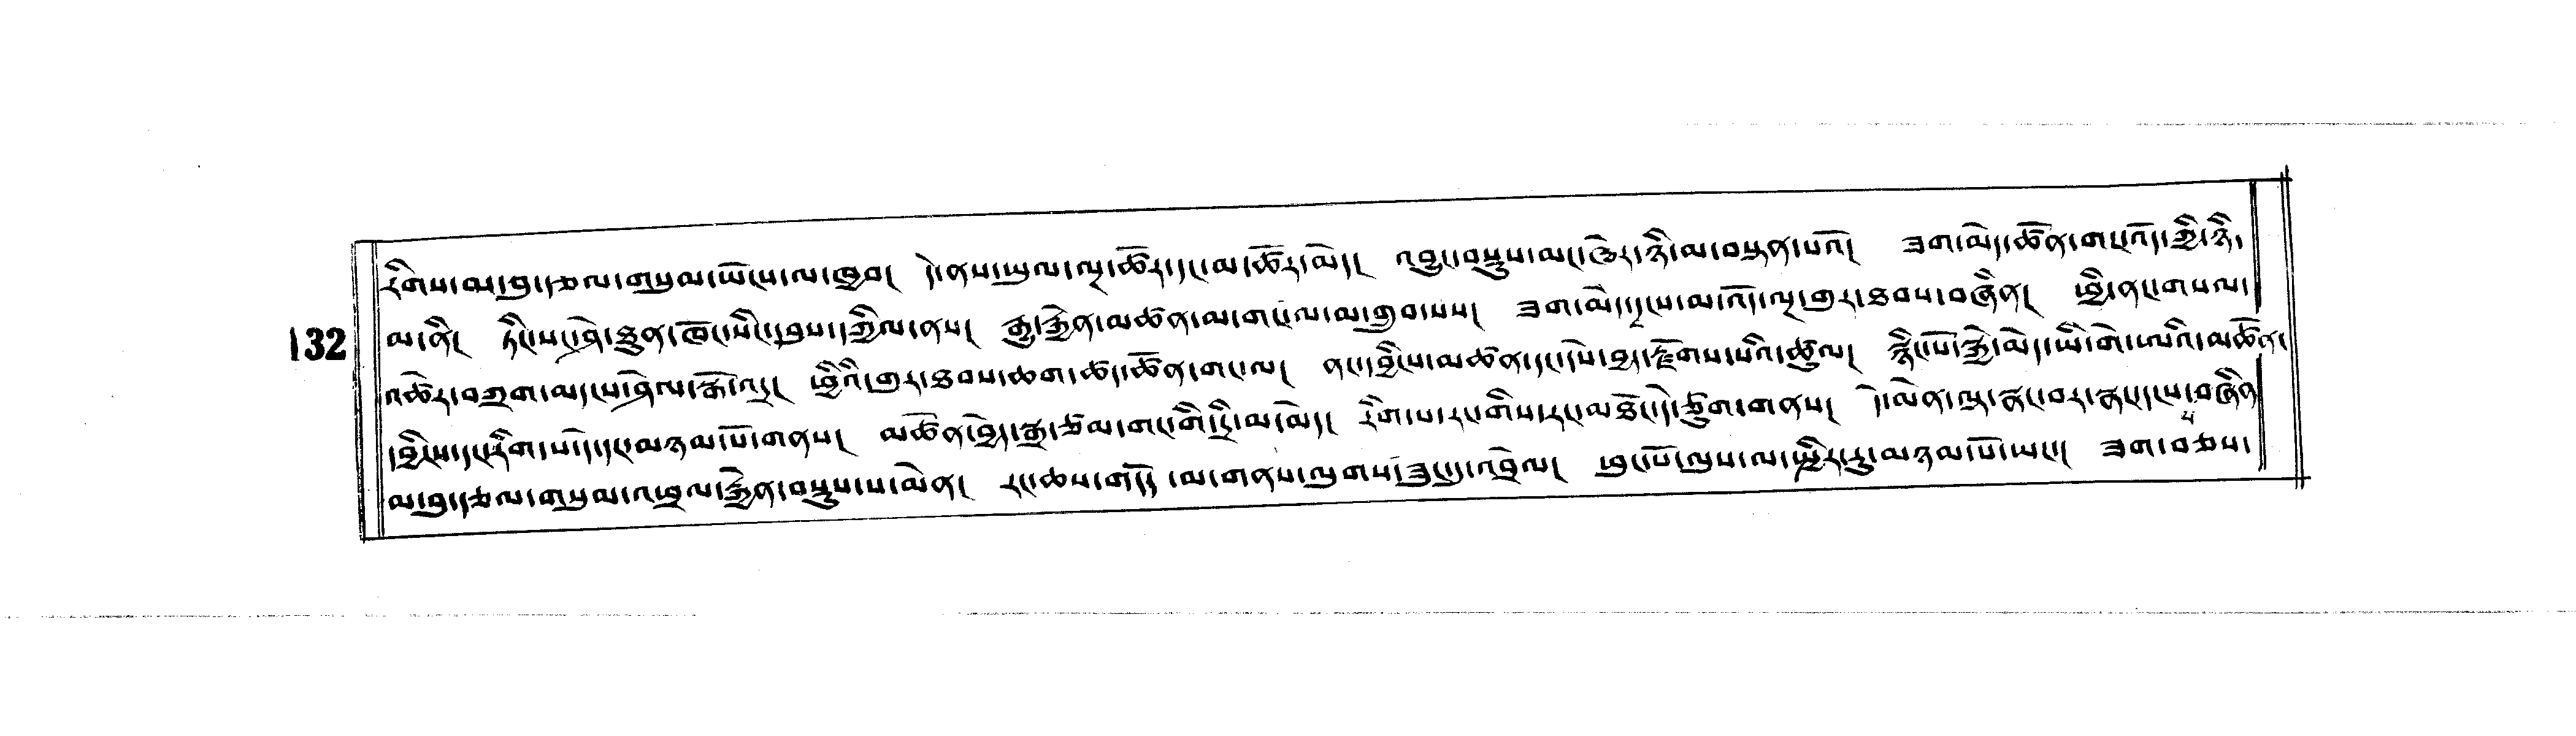རིག་མ་བུ་རྩལ་གསུམ་ཡོངས་ལ་ཁྱབ། དེ་ནས་ཡུལ་ལྔ་ཚོར་དང་མ་ཚོར་མེད། འབྱུང་བསྡུས་མང་ཝེར་ཉི་མ་བསྟན་པའོ། ཟག་མེད་ཚོན་གང་འོད་ཀྱི་ཉི་
མ་ནི། ཏིང་སང་ཤེ་ཐུན་ཁོང་སེང་དབུས་དཀྱིལ་ནས། རྒྱུ་རྐྱེན་མཚན་མ་གང་ལ་མ་གྲུབ་པས། ཟག་མེད་དྭངས་མ་འོད་ལྔ་གུར་ཐབས་བཞིན། ཕྱི་ནང་གསལ་
འཚེར་བཀྲག་མདངས་ཤེལ་སྒོ་འདྲ། ཕྱིའི་གུར་ཐབས་ཆག་ཚད་ཚོན་གང་ལ། ནང་དབྱིངས་མཚན་དང་དཔེ་བྱད་རྫོགས་པའི་ཚུལ། སྙིང་པོ་སྐྱེ་མེད་ཡི་གེ་ཨ་ཡི་མཚོན། 
དབྱིངས་དང་རིག་པ་དེ་དང་མཉམ་པོ་གནས། མཚོན་བྱེད་སྒྲ་ཙམ་གང་གི་དྲི་མ་མེད། རིག་པ་རང་གིས་རང་མཐོང་དེ་ཙུག་གནས། དེ་མིན་ལྟ་སྣང་བར་སྣང་དྭངས་པ་བཞིན། 
མ་བུ་རྩལ་གསུམ་འཕྲལ་རྐྱེན་བསྡུས་པ་མེན། རང་ཆས་གདོད་མ་གནས་ལུགས་ཟུང་དུ་འབྲེལ། ཕུང་པོ་ལུས་ལ་སྤྱིར་རུ་མཉམ་པོ་ཡང་། ཟག་བཅས་